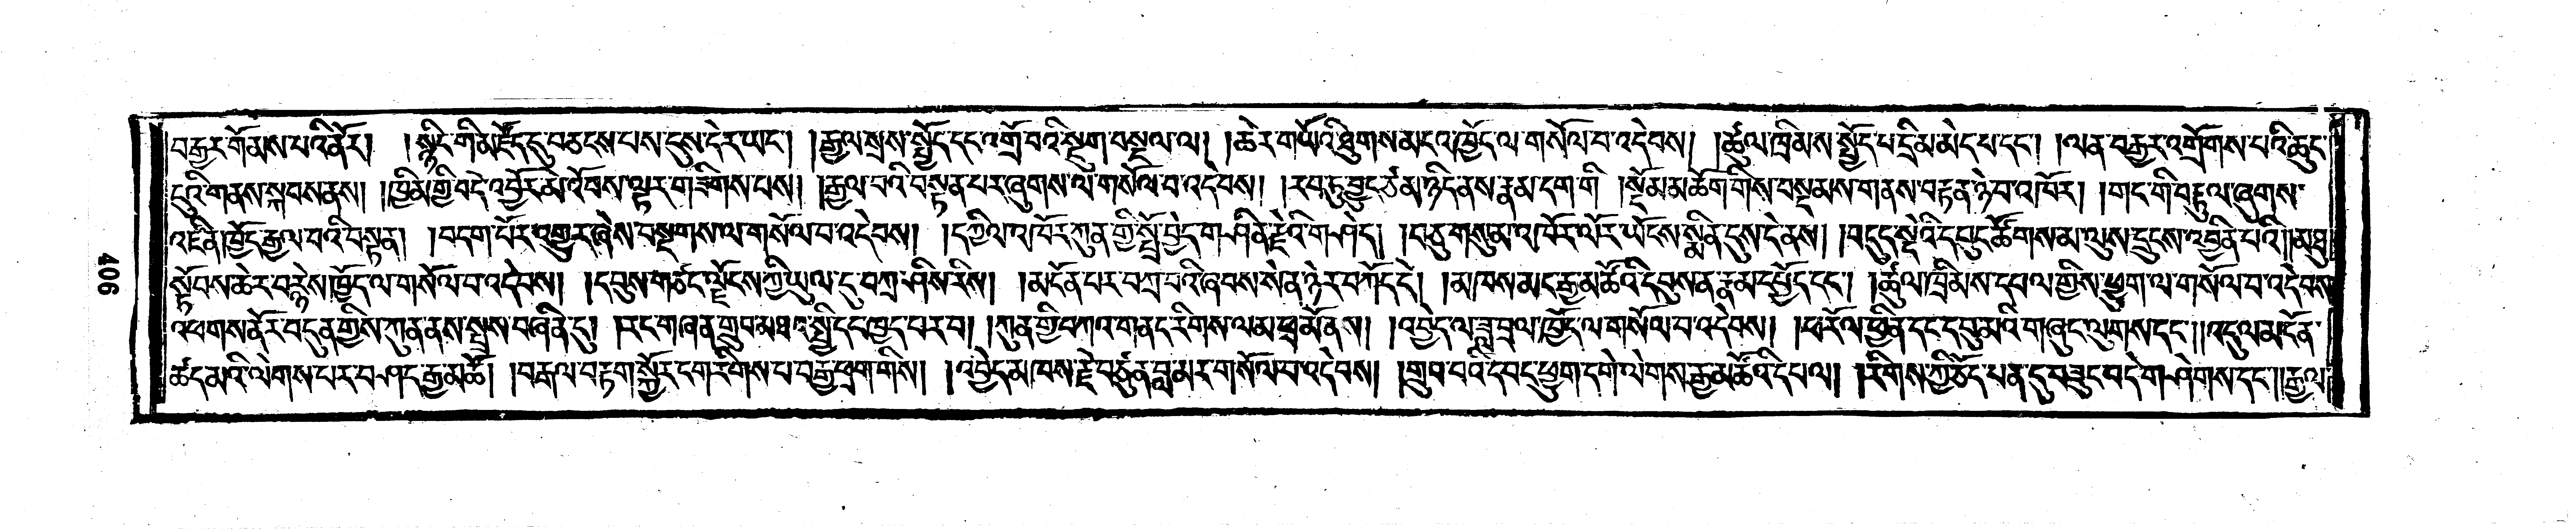བརྒྱར་གོམས་པའི་ནོར། །སྙིང་གི་མཛོད་དུ་བཅངས་པས་དུས་དེར་ཡང་། །རྒྱལ་སྲས་སྤྱོད་དང་འགྲོ་བའི་སྡུག་བསྔལ་ལ། །ཆེར་གཡོའི་ཐུགས་མངའ་ཁྱོད་ལ་གསོལ་བ་འདེབས། །ཚུལ་ཁྲིམས་སྤྱོད་པ་དྲི་མ་མེད་པ་དང་། །ལན་བརྒྱར་འགྲོགས་པའི་ཆུང་
དུའི་གནས་སྐབས་ནས། །ཁྱིམ་གྱི་བདེ་འབྱོར་མེ་འོབས་ལྟར་གཟིགས་པས། །རྒྱལ་བའི་བསྟན་པར་ཞུགས་ལ་གསོལ་བ་འདེབས། །རབ་ཏུ་བྱུང་ཙམ་ཉིད་ནས་རྣམ་དག་གི །སྡོམ་མཆོག་གིས་བསྡམས་གནས་བརྟན་ཉེ་བ་འཁོར། །གང་གི་བརྟུལ་ཞུགས་
འཛིན་ཁྱོད་རྒྱལ་བའི་བསྟན། །བདག་པོར་འགྱུར་ཞེས་བསྔགས་ལ་གསོལ་བ་འདེབས། །དཀྱིལ་འཁོར་ཀུན་གྱི་སྤྲོ་བྱེད་གཤིན་རྗེའི་གཤེད། །བཅུ་གསུམ་འཁོར་ལོར་ཡོངས་སྨིན་དུས་དེ་ནས། །བདུད་སྡེའི་དཔུང་ཚོགས་མ་ལུས་དྲུངས་འབྱིན་པའི། །མཐུ་
སྟོབས་ཆེར་བརྙེས་ཁྱོད་ལ་གསོལ་བ་འདེབས། །དབུས་གཙང་ལྗོངས་ཀྱི་ཡུལ་དུ་བཀྲ་ཤིས་རིས། །མངོན་པར་བཀྲ་བའི་ཞབས་སེ་ན་ཉེར་བཀོད་དེ། །མཁས་མང་རྒྱ་མཚོའི་དབུས་ན་རྣམ་དཔྱོད་དང་། །ཚུལ་ཁྲིམས་དཔལ་གྱིས་ཕྱུག་ལ་གསོལ་བ་འདེབས་
འཕགས་ནོར་བདུན་གྱིས་ཀུན་ནས་སྤྲས་བཞིན་དུ། །རང་གཞན་གྲུབ་མཐའ་སྤྱི་དང་ཁྱད་པར་བ། །ཀུན་གྱི་བཀའ་གནད་རིགས་ལམ་ཕྲ་མོ་ནས། །འབྱེད་ལ་ཟླ་བྲལ་ཁྱོད་ལ་གསོལ་བ་འདེབས། །ཕ་རོལ་ཕྱིན་དང་དབུ་མའི་གཞུང་ལུགས་དང་། །འདུལ་མངོན་
ཚད་མའི་ལེགས་པར་བཤད་རྒྱ་མཚོ། །བརྒལ་བརྟག་སྐྱོར་ངག་རིགས་པ་བརྒྱ་ཕྲག་གིས། །འབྱེད་མཁས་རྗེ་བཙུན་བླ་མར་གསོལ་བ་འདེབས། །གྲུབ་པའི་དབང་ཕྱུག་དགེ་ལེགས་རྒྱ་མཚོའི་དཔལ། །རིགས་ཀྱི་ཅོད་པན་དུ་བཟུང་བདེ་གཤེགས་དང་། །རྒྱལ་